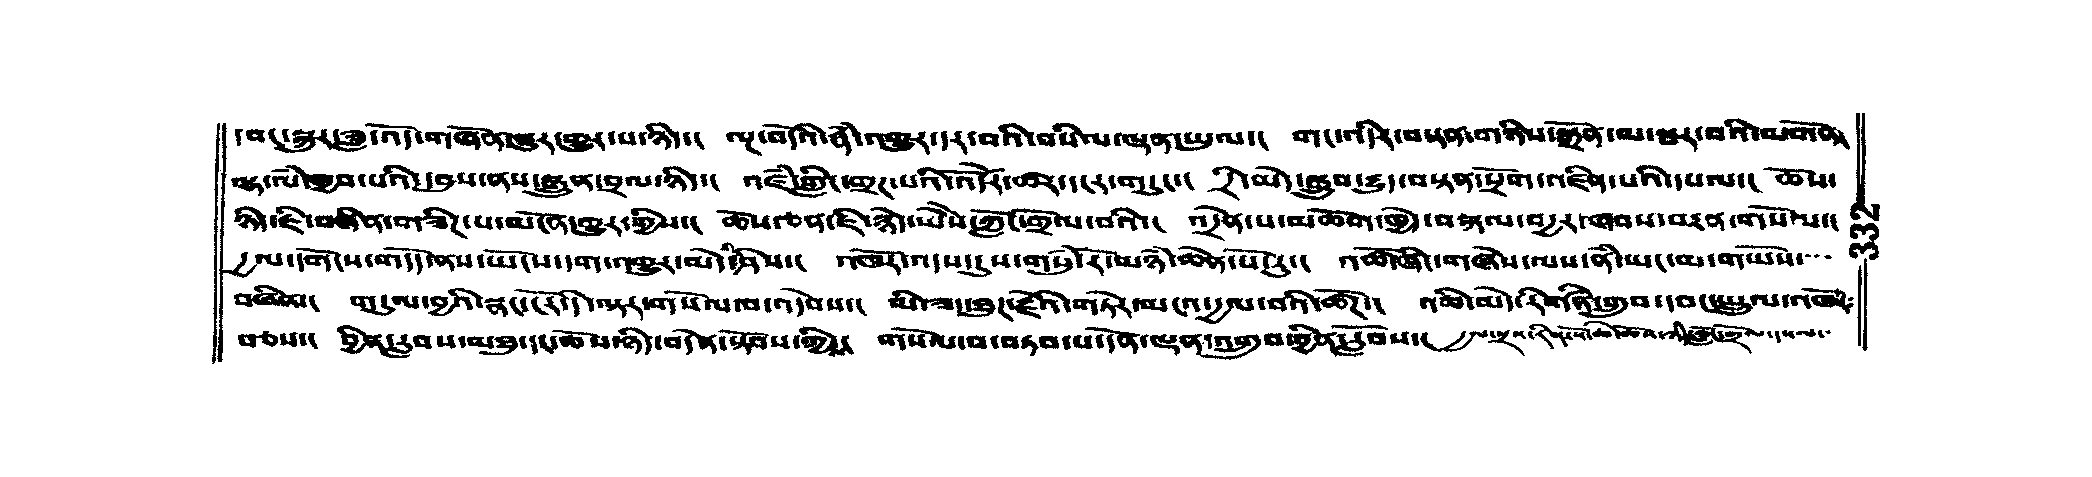།དབང་སྐུར་ཟླ་འོད་གཞོན་ནུར་གྱུར་པ་ཉིད། །ལྔ་བདོའི་རྣམ་འགྱུར་དར་བའི་བསིལ་ལྡན་ཡུལ། །གང་འདིར་བསྟན་གཉིས་སྒྲོན་མ་སྦར་བའི་མགོན། །
ལྷ་ལམ་ཁྱབ་པའི་དབུས་ནས་འགྲན་བྲལ་ཉིད། །འཛམ་གླིང་གྲགས་པའི་འོད་ཟེར་ཚར་དངར་གདུང་། །དྲི་མེད་སྒྲུབ་རྒྱུད་བསྟན་སྲོག་འཛིན་པའི་དཔལ། །ཆོས་
ཉིད་ཇི་བཞིན་གཟིགས་པ་མངོན་གྱུར་གྱིས། །ཆོས་ཅན་ཇི་སྙེད་ཡེ་ཤེས་ཀློང་གྲོལ་བའི། །འདྲེན་པ་མཆོག་ཁྱེད་བསྐལ་བརྒྱར་ཞབས་བརྟན་གསོལ། །
རྒྱལ་དགོངས་གདོད་ནས་ཡོངས་དག་འགྱུར་མེད་གཤིས། །འཁོར་འདས་དུས་གསུམ་རོ་མཉམ་ཆེན་པོ་རུ། །འཚོ་ཞིང་བཞེས་ལས་ནམ་ཡང་མ་གཡོས་
བཞིན། །གདུལ་བྱའི་སྣང་ངོར་དེ་ལྟར་གསོལ་བ་འདེབས། །མི་ཟད་ཐུགས་རྗེའི་གཏེར་མངའ་རྒྱལ་བའི་ཚོགས། །འཆི་མེད་རིག་འཛིན་གྲུབ་དབང་སྤྲུལ་འཁོར་
བཅས། །བྱིན་རླབས་མཐུ་དང་ཆོས་ཉིད་བདེན་སྟོབས་ཀྱིས། །གསོལ་བ་བཏབ་པ་དོན་ལྡན་འགྲུབ་བྱིན་རློབས།རྒྱལ་སྲས་རིན་པོ་ཆོས་ཉིད་ཀློང་གྲོལ་དཔལ་